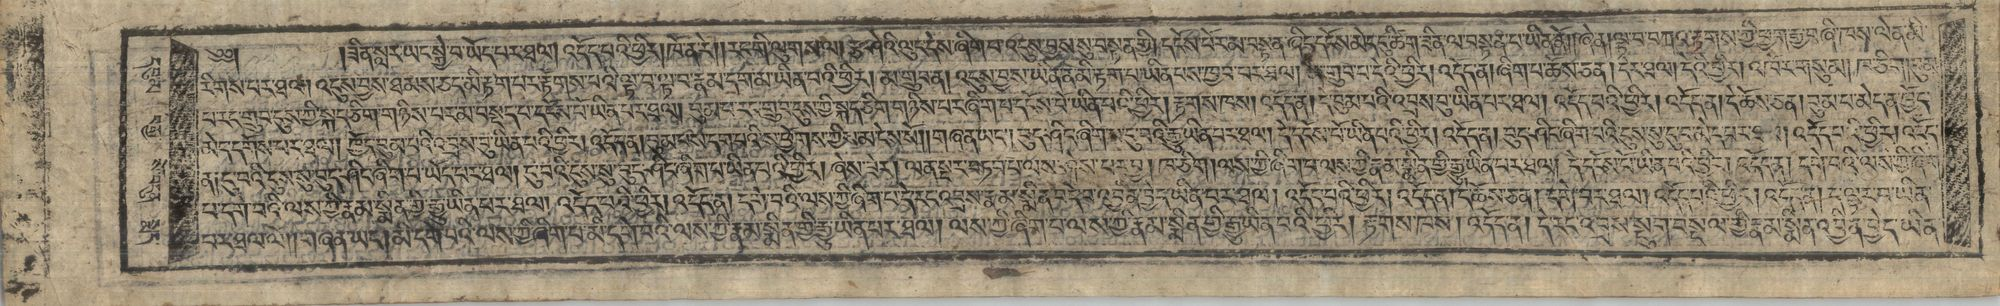༄༅། །ཟིན་སླར་ཡང་སྐྱེ་བ་ཡོད་པར་ཐལ། འདོད་པའི་ཕྱིར། ཁོ་ན་རེ། །རང་གི་ལུགས་ལ། རྩ་ཤེའི་ལུང་དེས་ཞིག་པ་འདུས་བྱས་སུ་བསྟན་གྱི། དངོས་པོར་མ་བསྟན་ཞིང་དངོས་མེད་དུ་ཚིག་ཟིན་ལ་བསྟན་པ་ཡིན་ནོ། །ཞེ་ན། ལྟ་བ་བཀའ་རྟགས་ཀྱི་ཕྱག་རྒྱ་བ་ཞི་ཁས་ལེན་མི་
རིགས་པར་ཐལ། འདུས་བྱས་ཐམས་ཅད་མི་རྟག་པར་རྟོགས་པའི་ལྟ་བ་ལྟ་བ་རྣམ་དག་མ་ཡིན་པའི་ཕྱིར། མ་གྲུབ་ན། འདུས་བྱས་ཡིན་ན་མི་རྟག་པ་ཡིན་པས་ཁྱབ་པར་ཐལ། མ་གྲུབ་པ་དེའི་ཕྱིར། འདོད་ན། ཞིག་པ་ཆོས་ཅན། དེར་ཐལ། དེའི་ཕྱིར། འཁོར་གསུམ། ཁ་ཅིག་བུམ་
པ་རང་གྲུབ་དུས་ཀྱི་སྐད་ཅིག་གཉིས་པར་མ་བསྡད་པ་དངོས་པོ་ཡིན་པར་ཐལ། བུམ་པ་རང་གྲུབ་དུས་ཀྱི་སྐད་ཅིག་གཉིས་པར་ཞིག་པ་དངོས་པོ་ཡིན་པའི་ཕྱིར། རྟགས་ཁས། འདོད་ན། དེ་བུམ་པའི་འབྲས་བུ་ཡིན་པར་ཐལ། འདོད་པའི་ཕྱིར། འདོད་ན། དེ་ཆོས་ཅན། བུམ་པ་མེད་ན་ཁྱོད་
མེད་དགོས་པར་ཐལ། ཁྱོད་བུམ་པའི་འབྲས་བུ་ཡིན་པའི་ཕྱིར། འདོད་ན། བུམ་པས་དག་པའི་ས་ཕྱོགས་ཀྱིས་མ་ངེས་སོ། །གཞན་ཡང་། བུད་ཤིང་ཞིག་པ་དུ་བའི་རྒྱུ་ཡིན་པར་ཐལ། དེ་དངོས་པོ་ཡིན་པའི་ཕྱིར། འདོད་ན། བུད་ཤིང་ཞིག་པའི་དུས་སུ་དུ་བ་མེད་པར་ཐལ། འདོད་པའི་ཕྱིར། འདོད་
ན༑ དུ་བའི་དུས་སུ་བུད་ཤིང་ཞིག་པ་ཡོད་པར་ཐལ། དུ་བའི་དུས་སུ་བུད་ཤིང་ཞིག་པ་ཡིན་པའི་ཕྱིར། ཞེས་ཟེར། ལན་སྔར་བཏབ་པ་ལས་ཤེས་པར་བྱ། ཁ་ཅིག །ལས་ཀྱི་ཞིང་པ་ལས་ཀྱི་རྣམ་སྨིན་གྱི་རྒྱུ་ཡིན་པར་ཐལ། དེ་དངོས་པོ་ཡིན་པའི་ཕྱིར། འདོད་ན། དགེ་བའི་ལས་ཀྱི་ཞིག་
པ་དགེ་བའི་ལས་ཀྱི་རྣམ་སྨིན་གྱི་རྒྱུ་ཡིན་པར་ཐལ། འདོད་པའི་ཕྱིར། འདོད་ན། དགེ་བའི་ལས་ཀྱི་ཞིག་པ་དེ་རང་འབྲས་རྣམ་སྨིན་བདེ་བ་འབྱིན་བྱེད་ཡིན་པར་ཐལ། འདོད་པའི་ཕྱིར། འདོད་ན། དེ་ཆོས་ཅན། དགེ་བར་ཐལ། འདོད་པའི་ཕྱིར། འདོད་ན། ད་ལྟར་བ་ཡིན་
པར་ཐལ་ལོ། །གཞན་ཡང་། མི་དགེ་བའི་ལས་ཀྱི་ཞིག་པ་མི་དགེ་བའི་ལས་ཀྱི་རྣམ་སྨིན་གྱི་རྒྱུ་ཡིན་པར་ཐལ། ལས་ཀྱི་ཞིག་པ་ལས་ཀྱི་རྣམ་སྨིན་གྱི་རྒྱུ་ཡིན་པའི་ཕྱིར། རྟགས་ཁས། འདོད་ན། དེ་རང་འབྲས་སྡུག་བསྔལ་གྱི་རྣམ་སྨིན་འབྱིན་བྱེད་ཡིན་